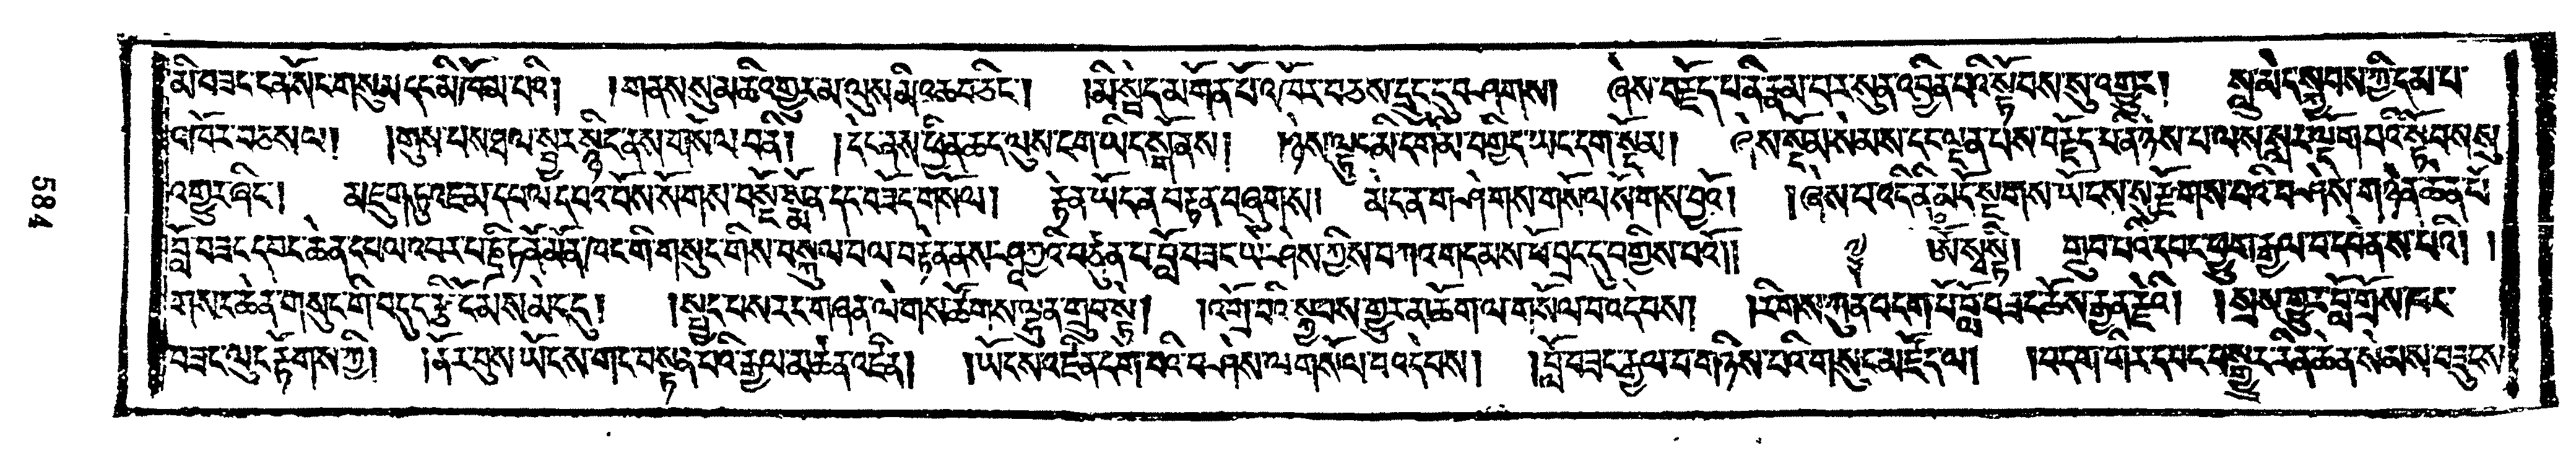མི་བཟང་ངན་སོང་གསུམ་དང་མི་ཁོམ་པའི། །གནས་སུ་མཆི་འགྱུར་མ་ལུས་མི་འཆབ་ཅིང་། །མི་སྦེད་མགོན་པོ་འཁོར་བཅས་དྲུང་དུ་བཤགས། ཞེས་བརྗོད་པ་ནི་རྣམ་པར་སུན་འབྱིན་པའི་སྟོབས་སུ་འགྱུར། སླུ་མེད་སྐྱབས་ཀྱི་དམ་པ་
འཁོར་བཅས་ལ། །གུས་པས་ཐལ་སྦྱར་སྙིང་ནས་གསོལ་བ་ནི། །དེང་ནས་ཕྱིན་ཆད་ལུས་ངག་ཡིད་སྒོ་ནས། །ཉེས་ལྟུང་མི་དགེ་མི་བགྱིད་ཡང་དག་སྡོམ། ཞེས་སྔོམས་སེམས་དང་ལྡན་པས་བརྗོད་པ་ནི་ཉེས་པ་ལས་སླར་ལྡོག་པའི་སྟོབས་སུ་
འགྱུར་ཞིང་། མཇུག་ཏུ་འཇམ་དཔལ་དཔའ་བོས་སོགས་བསྔོ་སྨོན་དང་བཟོད་གསོལ། རྟེན་ཡོང་ན་བརྟན་བཞུགས། མེད་ན་གཤེགས་གསོལ་སོགས་བྱའོ། །ཞེས་པ་འདི་ནི་མདོ་སྔགས་ཡོངས་སུ་རྫོགས་པའི་བ་ཤེས་གཉེན་ཆེན་པོ་
བློ་བཟང་དབང་ཆེན་དཔལ་འབར་པ་ཎྜི་ཏ་མོ་མོན་ཁང་གི་གསུང་གིས་བསྐུལ་བ་ལ་བརྟེན་ནས་ཤཱཀྱའི་བཙུན་པ་བློ་བཟང་ཡེ་ཤེས་ཀྱིས་བཀའ་གདམས་ཕོ་བྲང་དུ་བགྱིས་པའོ།། ༈ ཨོཾ་སྭ་སྟི། གྲུབ་པའི་དབང་ཕྱུག་རྒྱལ་བ་དབེན་ས་པའི། །
གསང་ཆེན་གསུང་གི་བདུད་རྩི་ངོ་མས་མེད་དུ། །སྤྱང་པས་རང་གཞན་ལེགས་ཚོགས་ལྷུན་གྲུབ་སྟེ། །འགྲོ་བའི་སྐྱབས་གྱུར་མཆོག་ལ་གསོལ་པ་འདེབས། །རིགས་ཀུན་བདག་པོ་བློ་བཟང་ཆོས་རྒྱན་རྗེའི། །སྲས་གྱུར་བློ་གྲོས་ཁང་
བཟང་ལུང་རྟོགས་ཀྱི། །ནོར་བུས་ཡོངས་གང་བསྟན་པའི་རྒྱལ་མཚན་འཛིན། །ཡོངས་འཛིན་དགེ་བའི་བཤེས་ལ་གསོལ་བ་འདེབས། །བློ་བཟང་རྒྱལ་བ་གཉིས་པའི་གསུང་མཛོད་ལ། །བདག་གིར་དབང་བསྒྱུར་རིན་ཆེན་སེམས་བཟུངས་